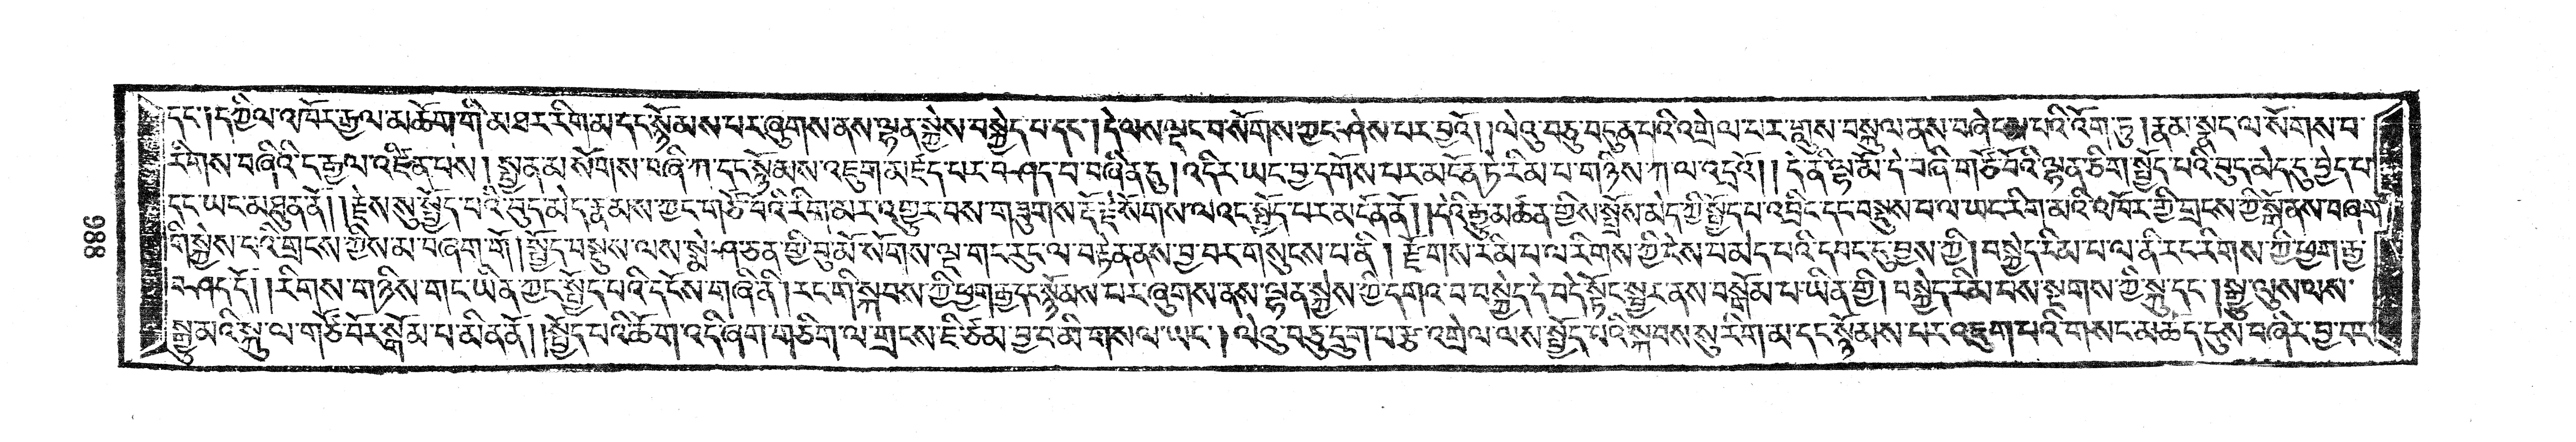དང་དཀྱིལ་འཁོར་རྒྱལ་མཆོག་གི་མཐར་རིག་མ་དང་སྙོམས་པར་ཞུགས་ནས་ལྷན་སྐྱེས་བསྐྱེད་པ་དང་། དེ་ལས་ལྡང་བ་སོགས་ཀྱང་ཤེས་པར་བྱའོ། །ལེའུ་བཅུ་བདུན་པའི་འགྲེལ་པར་གླུས་བསྐུལ་ནས་བཞེངས་པའི་འོག་ཏུ། རྣམ་སྣང་ལ་སོགས་པ་
རིགས་བཞིའི་ང་རྒྱལ་འཛིན་པས། སྤྱན་མ་སོགས་བཞི་ཀ་དང་སྙོམས་འཇུག་མཛད་པར་བཤད་པ་བཞིན་དུ། འདིར་ཡང་བྱ་དགོས་པར་མངོན་ཏེ་རིམ་པ་གཉིས་ཀ་ལ་འདྲའོ། །དེ་ནི་ལྷ་མོ་དེ་བཞི་གཙོ་བོའི་ལྷན་ཅིག་སྤྱོད་པའི་བུད་མེད་དུ་བྱེད་པ་
དང་ཡང་མཐུན་ནོ། །རྗེས་སུ་སྤྱོད་པའི་བུད་མེད་རྣམས་ཀྱང་གཙོ་བོའི་རིག་མར་འགྱུར་བས་གཟུགས་རྡོ་རྗེ་སོགས་ལའང་སྤྱོད་པར་མངོན་ནོ། །དེའི་རྒྱུ་མཚན་གྱིས་སྤྲོས་མེད་ཀྱི་སྤྱོད་པ་འབྲིང་དང་བསྡུས་པ་ལ་ཡང་རིག་མའི་འཁོར་གྱི་གྲངས་ཀྱི་སྒོ་ནས་བཞག་
གི་སྐྱེས་པའི་གྲངས་ཀྱིས་མ་བཞག་གོ །སྤྱོད་བསྡུས་ལས་སྨེ་ཤ་ཅན་གྱི་བུ་མོ་སོགས་ལྔ་གང་རུང་ལ་བརྟེན་ནས་བྱ་བར་གསུངས་པ་ནི། རྫོགས་རིམ་པ་ལ་རིགས་ཀྱི་ངེས་པ་མེད་པའི་དབང་དུ་བྱས་ཀྱི། བསྐྱེད་རིམ་པ་ལ་ནི་རང་རིགས་ཀྱི་ཕྱག་རྒྱ་
བཤད་དོ། །རིགས་གཉིས་གང་ཡིན་ཀྱང་སྤྱོད་པའི་དངོས་གཞི་ནི། རང་གི་སྐབས་ཀྱི་ཕྱག་རྒྱ་དང་སྙོམས་པར་ཞུགས་ནས་ལྷན་སྐྱེས་ཀྱི་དགའ་བ་བསྐྱེད་དེ་བདེ་སྟོང་སྦྱར་ནས་བསྒོམ་པ་ཡིན་གྱི། བསྐྱེད་རིམ་པས་སྔགས་ཀྱི་སྐུ་དང་། སྒྱུ་ལུས་ལས་
སྒྱུ་མའི་སྐུ་ལ་གཙོ་བོར་སྒོམ་པ་མིན་ནོ། །སྤྱོད་པའི་ཆོ་ག་འདི་ཞག་གཅིག་ལ་གྲངས་ཇི་ཙམ་བྱ་བ་མི་གསལ་ཡང་། ལེའུ་བཅུ་དྲུག་པ་རྩ་འགྲེལ་ལས་སྤྱོད་པའི་སྐབས་སུ་རིག་མ་དང་སྙོམས་པར་འཇུག་པའི་གསང་མཆོད་དུས་བཞིར་བྱ་བར་